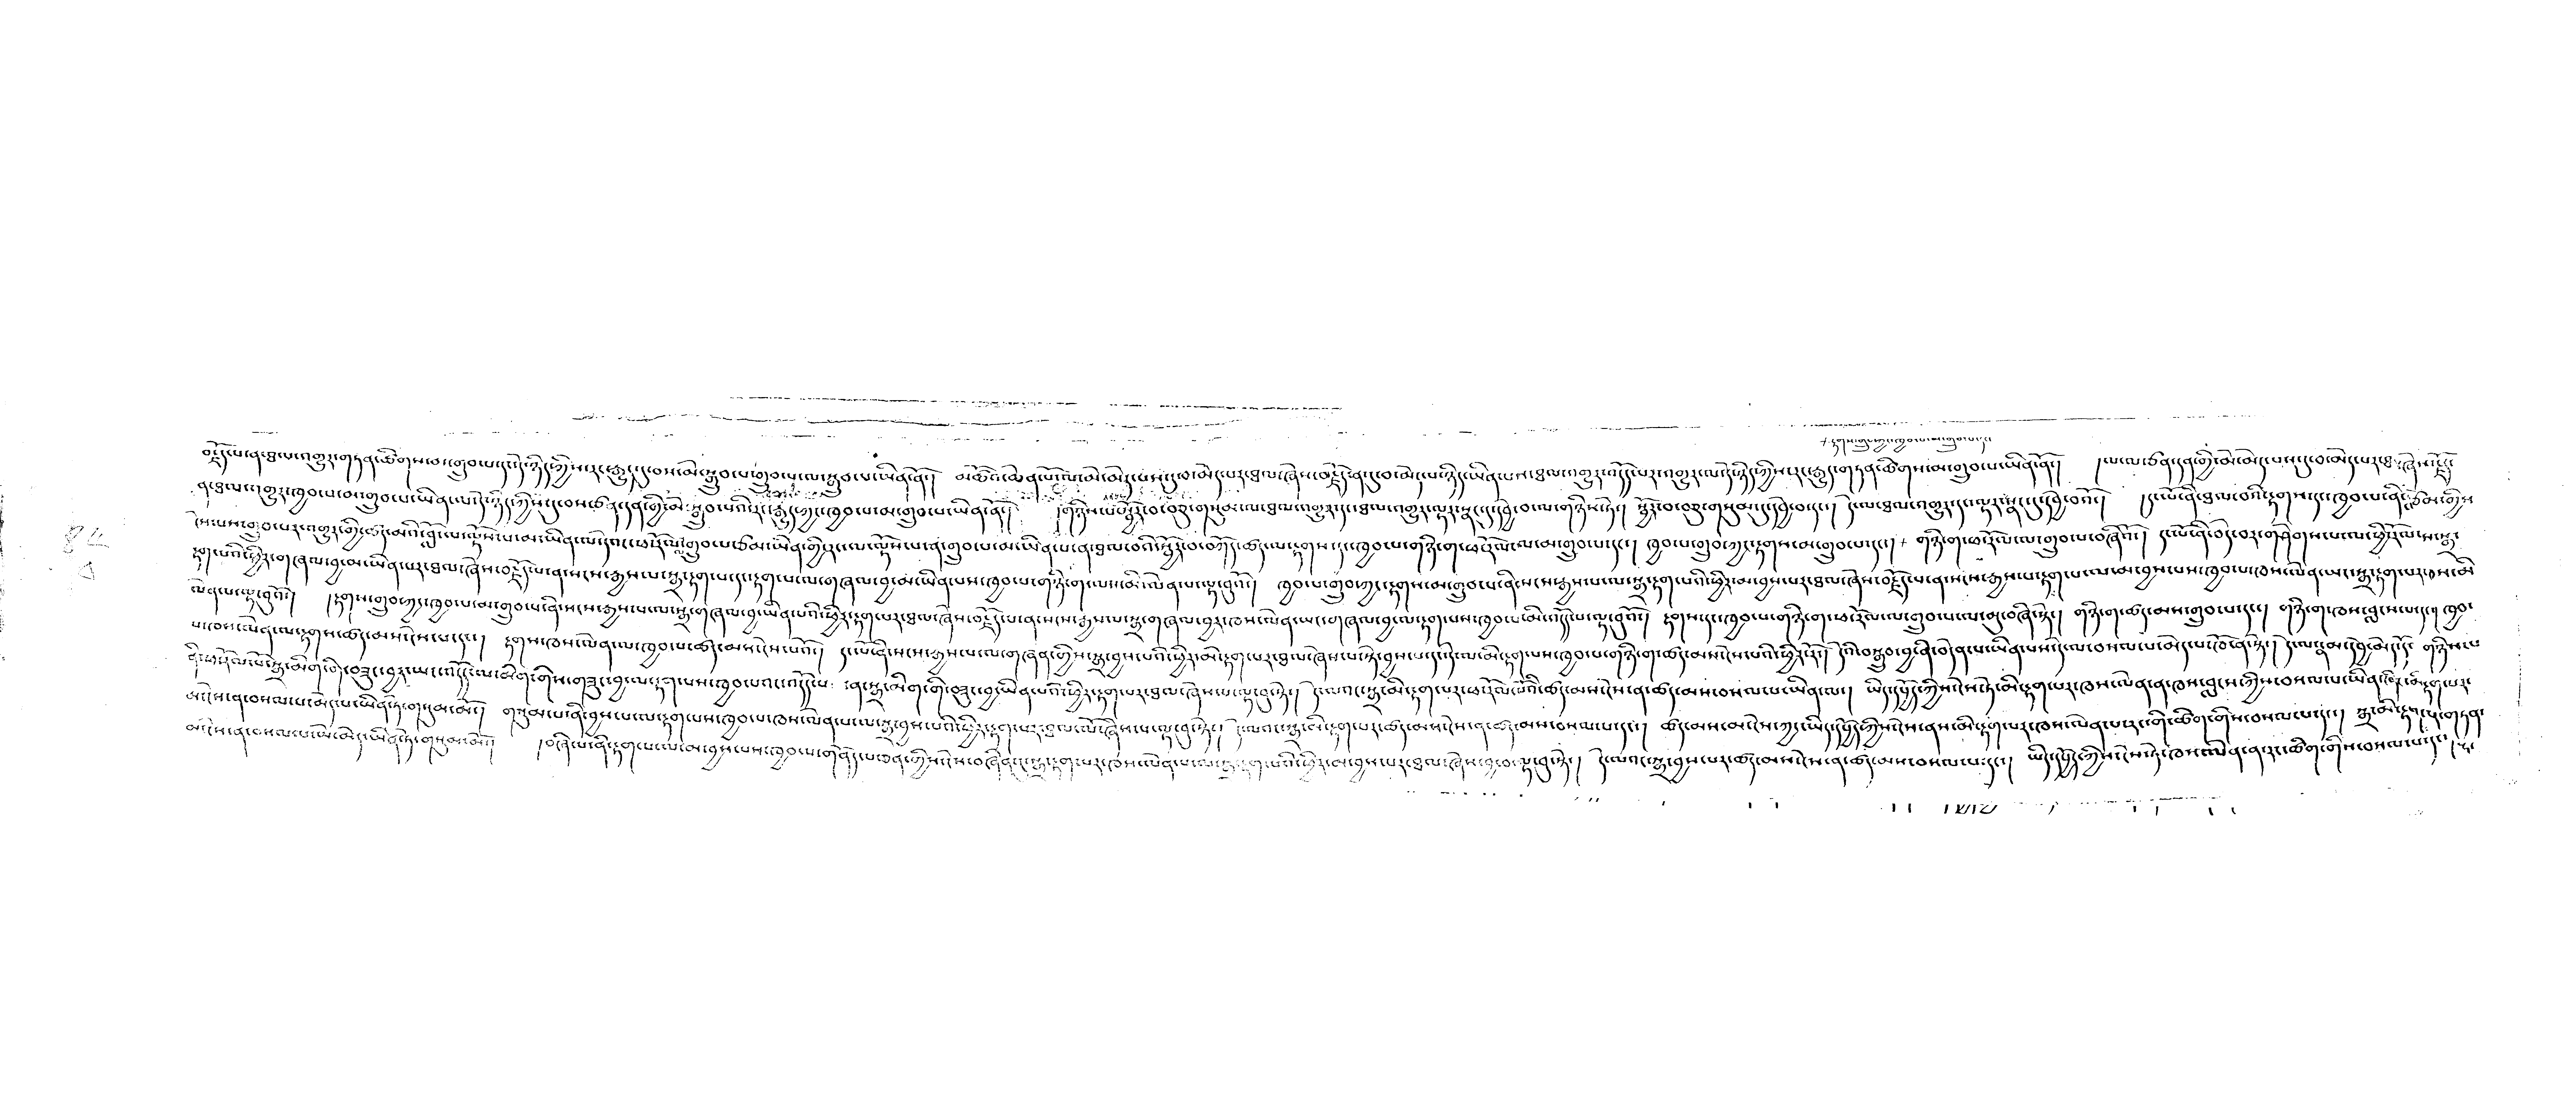བརྗོད་པ་ན་ཐལ་འགྱུར་གཏན་ཚིགས་མ་གྲུབ་པར་དེ་ཉིད་ཀྱིས་རང་རྒྱུད་དུ་བས་མེ་སྒྲུབ་པ་གྲུབ་པ་ལ་སྒྲུབ་པ་ཡིན་ནོ། མཚོའ་མེན་པོ་ལ་མེ་མེད་པས་དུ་བ་མེད་པར་ཐལ་ཞེས་བརྗོད་ན་དུ་བ་མེད་པ་ཉིད་ཡིན་པས་ཐལ་འགྱུར་འདོད་པར་འགྱུར་ལ་དེ་ཉིད་ཀྱིས་རང་རྒྱུད་གཏན་ཚིགས་མ་གྲུབ་པ་ཡིན་ནོ། །ལ་ལ་ཙན་དན་གྱི་མེ་མེད་པས་དུ་བ་མེད་པར་ཐ་ཞེས་བརྗོད་
ན་ཐལ་འགྱུར་ཁྱབ་པ་མ་གྲུབ་པ་ཡིན་པ་དེ་ཉིད་ཀྱིས་དུ་བས་ཙན་དན་གྱི་མེ་སྒྲུབ་པའི་རང་རྒྱུད་ཀྱང་ཁྱབ་པ་མ་གྲུབ་པ་ཡིན་ནོ། །གཉིས་པ་སྦྱོར་བ་བཅུ་གསུམ་ལ་ཐལ་འགྱུར་དང་ཐལ་འགྱུར་ལྟར་སྣང་དུ་དབྱེ་བ་ལ་གཉིས་ཏེ། སྦྱོར་བ་བཅུ་གསུམ་དུ་དབྱེ་བ་དང་། དེ་ལ་ཐལ་འགྱུར་དང་ལྟར་སྣང་དུ་དབྱེ་བའོ། །དང་པོ་ནི་ཐལ་བའི་རྟགས་དང་ཁྱབ་པ་ནི་ཐེ་ཚོམ་གྱིས་
ངེས་པས་གྲུབ་པར་འགྱུར་གྱི་ཚད་མའི་བློ་ལ་ལྟོས་པ་མ་ཡིན་ལ་དེའང་ཕ་རོལ་ལ་གྲུབ་པ་ཙམ་ཡིན་གྱི་རང་ལ་ལྟོས་པ་ན་གྲུབ་པ་མ་ཡིན་པ་ན་ཐལ་བའི་སྦྱོར་བ་བོད་ཚད་ལ་རྟགས་དང་ཁྱབ་པ་གཉི་ག་ཕ་རོལ་ལ་མ་གྲུབ་པ་དང་། ཁྱབ་པ་གྲུབ་ཀྱང་རྟགས་མ་གྲུབ་པ་དང་། རྟག་གྲུབ་བྱ་ཁྱབ་པ་མ་གྲུབ་པ་དང་གཉི་ག་ཕ་རོལ་ལ་གྲུབ་པ་བཞིའོ། དང་པོ་ནི་བདེ་བར་གཤེགས་པ་ལ་ཕྱི་རོལ་ལ་སྒྲ་
རྟག་པའི་ཕྱིར་གཞལ་བྱ་མ་ཡིན་པར་ཐལ་ཞེས་བརྗོད་པ་ན་སངས་རྒྱས་པ་སྒྲ་རྟག་པ་དང་རྟག་པ་ལ་གཞལ་བྱ་མ་ཡིན་པས་ཁྱབ་པ་གཉི་ག་ལས་མི་ལེན་པ་ལྟ་བུའོ། ཁྱབ་པ་གྲུབ་ཀྱང་རྟགས་མ་གྲུབ་པ་ནི་སངས་རྒྱས་པ་ལ་སྒྲ་རྟག་པའི་ཕྱིར་མ་བྱས་པར་ཐལ་ཞེས་བརྗོད་པ་ན་སངས་རྒྱས་པ་རྟག་པ་ལ་མ་བྱས་པས་ཁྱབ་པ་ཁས་ལེན་ཡང་སྒྲ་རྟག་པར་བས་མི་
ལེན་པ་ལྟ་བུའོ། །རྟགས་གྲུབ་ཀྱང་ཁྱབ་པ་མ་གྲུབ་པ་ནི་སངས་རྒྱས་པ་ལ་སྒྲ་གཞལ་བྱ་ཡིན་པའི་ཕྱིར་རྟག་པར་ཐལ་ཞེས་བརྗོད་པ་ན་སངས་རྒྱས་པ་སྒྲ་གཞལ་བྱར་ཁས་ལེན་ཡང་གཞལ་བྱ་ལ་རྟག་པས་ཁྱབ་པ་མི་འདོད་པ་ལྟ་བུའོ། རྟགས་དང་ཁྱབ་པ་གཉི་ག་ཕ་རོལ་ལ་གྲུབ་པ་ལ་མུ་བཞི་སྟེ། གཉི་ག་ཚད་མས་གྲུབ་པ་དང་། གཉི་ག་ཁས་བླངས་པ་དང་། ཁྱབ་
པ་ཁས་ལེན་ལ་རྟགས་ཚད་མས་ངེས་པ་དང་། རྟགས་ཁས་ལེན་ལ་ཁྱབ་པ་ཚད་མས་ངེས་པའོ། དང་པོ་ནི་སངས་རྒྱས་པ་ལ་གཞན་གྱིས་སྒྲ་བྱས་པའི་ཕྱིར་མི་རྟག་པར་ཐལ་ཞེས་པ་སྟེ་བྱས་པ་དང་དེ་ལ་མི་རྟག་པས་ཁྱབ་པ་གཉི་ག་ཚད་མས་ངེས་པའི་ཕྱིར་རོ། དེ་བསྒྲུབ་བྱ་ནི་བདེན་པ་ཡིན་པས་དེ་ལ་བསལ་པ་མེད་པ་ཁོ་ན་སྟེ། དེ་ལ་རྣམ་དབྱེ་མེད་དོ་གཉིས་པ་
ནི་ཕ་རོལ་པོ་སྒྲ་མིག་གི་བཟུང་བྱར་ཡང་འདོད་ལ་མིག་གིས་གཟུང་བྱ་ལ་རྟག་པས་ཁྱབ་པའང་འདོད་པ་ན་སྒྲ་མིག་གི་བཟུང་བྱ་ཡིན་པའི་ཕྱིར་རྟག་པར་ཐལ་ཞེས་པ་ལྟ་བུ་སྟེ། དེ་ལའང་སྒྲ་མི་རྟག་པར་ཕ་རོལ་པོའི་ཚད་མས་ངེས་ན་ཚད་མས་བསལ་པ་ཡིན་ལ། ཡིད་དཔྱོད་ཀྱིས་ངེས་ཏེ་མི་རྟག་པར་ཁས་ལེན་ན་ཁས་བླངས་ཀྱིས་བསལ་པ་ཡིན་གི་མི་རྟག་པར་
མ་ངེས་ན་བསལ་པ་མེད་པ་ཡིན་ཏེ་གསུམ་མོ། གསུམ་པ་ནི་བྱས་པ་ལ་རྟག་པས་ཁྱབ་པ་ཁས་ལེན་པ་ལ་སྒྲ་བྱས་པའི་ཕྱིར་རྟག་པར་ཐལ་ལོ་ཞེས་པ་ལྟ་བུ་སྟེ། དེ་ལའང་སྒྲ་མི་རྟག་པ་ཚད་མས་ངེས་ན་ཚད་མས་བསལ་པ་དང་། ཚད་མས་མ་ངེས་ཀྱང་ཡིད་དཔྱོད་ཀྱིས་ངེས་ནས་མི་རྟག་པར་ཁས་ལེན་པ་རང་གི་ཚིག་གིས་བསལ་པ་དང་། སྒྲ་མི་རྟག་པར་གཏན་
མ་ངེས་ན་བསལ་པ་མེ་མེད་ཡིན་ཏེ་གསུམ་མོ། །བཞི་པ་ནི་རྟག་པ་ལ་མ་བྱས་པས་ཁྱབ་པ་གནོད་པ་ཅན་གྱིས་ངེས་བཞིན་དུ་སྒྲ་རྟག་པར་ཁས་ལེན་པ་ལ་སྒྲ་རྟག་པའི་ཕྱིར་མ་བྱས་པར་ཐལ་ཞེས་བྱ་བ་ལྟ་བུ་སྟེ། དེ་ལའང་སྒྲ་བྱས་པར་ཚད་མས་ངེས་ན་ཚད་མས་བསལ་པ་དང་། ཡིད་དཔྱོད་ཀྱིས་ངེས་ཏེ་ཁས་ལེན་ན་རང་ཚིག་གིས་བསལ་པ་དང་